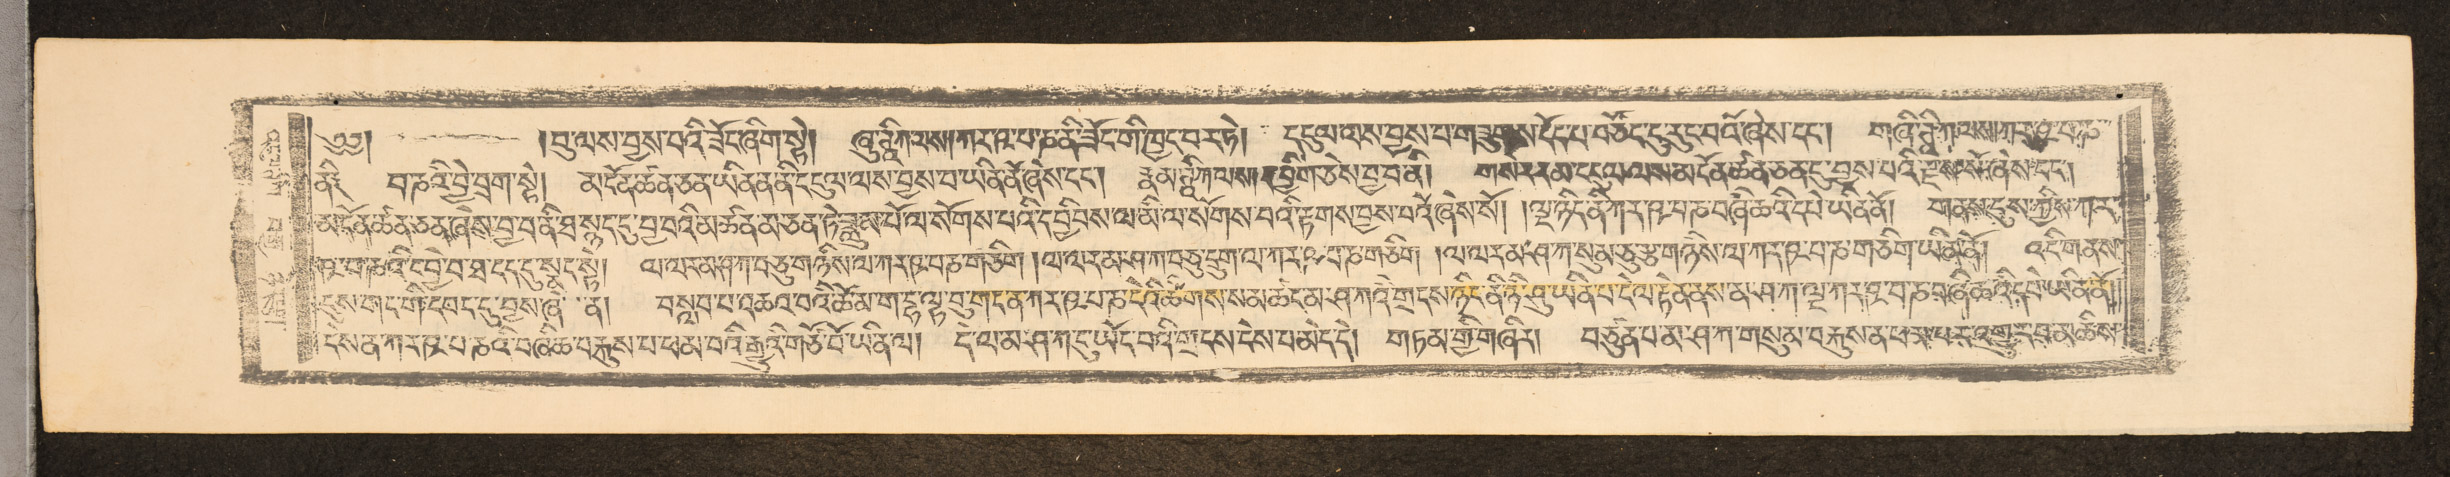༄༅། །བུ་ལས་བྱས་པའི་ཟོང་ཞིག་སྟེ། ཞུ་ཊཱིཀ་ལས། ཀར་ཥ་པ་ཎ་ནི་ཟོང་གི་ཁྱད་པར་ཏེ། དངུལ་ལས་བྱས་པ་གཟུགས་དོད་པ་བཙོང་དུ་རུང་བའོ་ཞེས་དང་། གཞི་ཊཱིཀ་ལས། ཀར་ཥ་པ་ཎ་
ནི༑ པ་ཎའི་བྱེ་བྲག་སྟེ། མངོན་ཚན་ཅན་ཡིན་ན་ནི་དངུལ་ལས་བྱས་པ་ཡིན་ནོ་ཞེས་དང་། རྣམ་ཊཱིཀ་ལས། དབྱིག་ཅེས་བྱ་བ་ནི། གསེར་རམ་དངུལ་ལས་མངོན་ཚན་ཅན་དུ་བྱས་པའི་རྫས་སོ་ཞེས་དང་།
མངོན་ཚན་ཅན་ཞེས་བྱ་བ་ནི་ཐ་སྙད་དུ་བྱ་བའི་མཚན་མ་ཅན་ཏེ་ཟླུམ་པོ་ལ་སོགས་པའི་དབྱིབས་ལ་མི་ལ་སོགས་པའི་རྟགས་བྱས་པའོ་ཞེས་སོ། །ལྔ་ཉིད་ནི་ཀར་ཥ་པ་ཎ་བཞི་ཆའི་དཔེ་ཡིན་ནོ། གནས་དུས་ཀྱིས་ཀར་
ཥ་པ་ཎའི་དབྱེ་བ་ཐ་དད་དུ་སྣང་སྟེ། ལ་ལར་མ་ཤ་ཀ་བཅུ་གཉིས་ལ་ཀར་ཥ་པཎ་གཅིག །ལ་ལར་མ་ཤ་ཀ་བཅུ་དྲུག་ལ་ཀར་ཥ་པ་ཎ་གཅིག །ལ་ལར་མ་ཤ་ཀ་སུམ་ཅུ་རྩ་གཉིས་ལ་ཀར་ཥ་པ་ཎ་གཅིག་ཡིན་ནོ། འདི་གནས་
དུས་གང་གི་དབང་དུ་བྱས་ཞེས་ན། བསླབ་པ་འཆའ་བའི་ཚེ་མ་གདྷ་ལྟ་བུ་གང་ན་ཀ་ར་ཥ་པ་ཎ་དེའི་ཚིགས་སམ་ཚད་མ་ཤ་ཀའི་གྲངས་ཉིད་ནི་ཉི་ཤུ་ཡིན་པ་དེ་ལ་རྟེན་ནས་མ་ཤ་ཀ་ལྔ་ཀར་ཥ་པ་ཎ་བཞི་ཆའི་དཔེ་ཡིན་ནོ།།
དེས་ན་ཀར་ཥ་པ་ཎའི་བཞི་ཆ་བརྐུས་པ་ཕམ་པའི་རྒྱུའི་གཙོ་བོ་ཡིན་ལ། དེ་ལ་མ་ཤ་ཀ་དུ་ཡོད་པའི་གྲངས་དེས་པ་མེད་དེ། གཏམ་གྱི་གཞིར། བཙུན་པ་མ་ཤ་ཀ་གསུམ་བརྐུས་ན་ཕམ་པར་འགྱུར་བ་མཆིས་